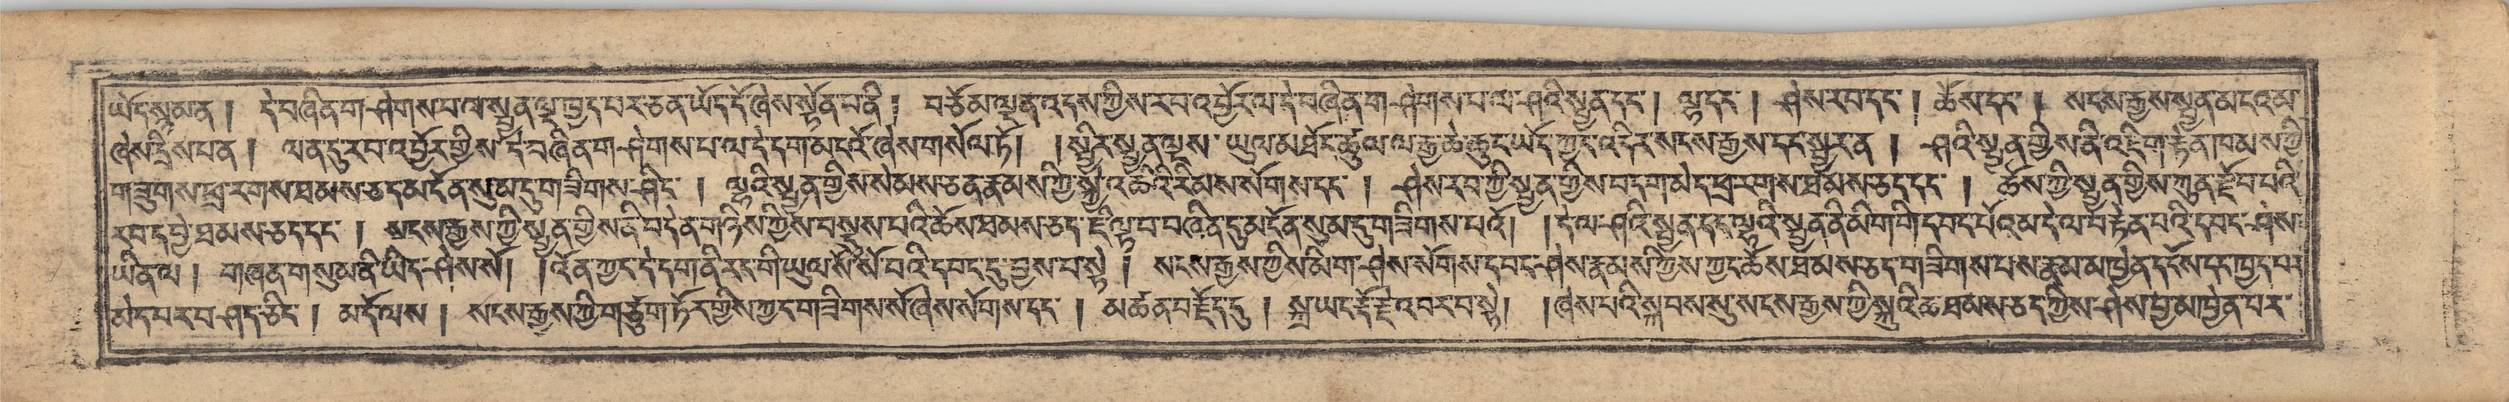ཡོད་སྙམ་ན། དེ་བཞིན་གཤེགས་པ་ལ་སྤྱན་ལྔ་ཁྱད་པར་ཅན་ཡོད་དོ་ཞེས་སྟོན་པ་ནི། བཅོམ་ལྡན་འདས་ཀྱིས་རབ་འབྱོར་ལ་དེ་བཞིན་གཤེགས་པ་ལ་ཤའི་སྤྱན་དང་། ལྷ་དང་། ཤེས་རབ་དང་། ཆོས་དང་། སངས་རྒྱས་སྤྱན་མངའམ་
ཞེས་དྲིས་པ་ན། ལན་དུ་རབ་འབྱོར་གྱིས་དེ་བཞིན་གཤེགས་པ་ལ་དེ་དག་མངའོ་ཞེས་གསོལ་ཏོ། །སྤྱིར་སྤྱན་ལྔས་ཡུལ་མཐོང་ཚུལ་ལ་རྒྱ་ཆེ་ཆུང་ཡོད་ཀྱང་འདིར་སངས་རྒྱས་དང་སྦྱར་ན། ཤའི་སྤྱན་གྱིས་ནི་འཇིག་རྟེན་ཁམས་ཀྱི་
གཟུགས་ཕྲ་རགས་ཐམས་ཅད་མངོན་སུམ་དུ་གཟིགས་ཤིང་། ལྷའི་སྤྱན་གྱིས་སེམས་ཅན་རྣམས་ཀྱི་སྐྱེ་འཆིའི་རིམ་པ་སོགས་དང་། ཤེས་རབ་ཀྱི་སྤྱན་གྱིས་བདག་མེད་ཕྲ་རགས་ཐམས་ཅད་དང་། ཆོས་ཀྱི་སྤྱན་གྱིས་ཀུན་རྫོབ་པའི་
རབ་དབྱེ་ཐམས་ཅད་དང་། སངས་རྒྱས་ཀྱི་སྤྱན་གྱིས་ནི་བདེན་གཉིས་ཀྱིས་བསྡུས་པའི་ཆོས་ཐམས་ཅད་ཇི་ལྟ་བ་བཞིན་དུ་མངོན་སུམ་དུ་གཟིགས་པའོ། །དེ་ལ་ཤའི་སྤྱན་དང་ལྷའི་སྤྱན་ནི་མིག་གི་དབང་པོའམ་དེ་ལ་བརྟེན་པའི་དབང་ཤེས་
ཡིན་ལ། གཞན་གསུམ་ནི་ཡིད་ཤེས་སོ། །འོན་ཀྱང་དེ་དག་ནི་རང་གི་ཡུལ་སོ་སོ་བའི་དབང་དུ་བྱས་པ་སྟེ། སངས་རྒྱས་ཀྱིས་མིག་ཤེས་སོགས་དབང་ཤེས་རྣམས་ཀྱིས་ཀྱང་ཆོས་ཐམས་ཅད་གཟིགས་པས་རྣམ་མཁྱེན་དངོས་དང་ཁྱད་པར་
མེད་པར་བཤད་ཅིང་། མདོ་ལས། སངས་རྒྱས་ཀྱི་གཙུག་ཏོར་གྱིས་ཀྱང་གཟིགས་སོ་ཞེས་སོགས་དང་། མཚན་བརྗོད་དུ། སྐྲ་ཡང་རྡོ་རྗེ་འབར་བ་སྟེ། །ཞེས་པའི་སྐབས་སུ་སངས་རྒྱས་ཀྱི་སྐུའི་ཆ་ཐམས་ཅད་ཀྱིས་ཤེས་བྱ་མཁྱེན་པར་